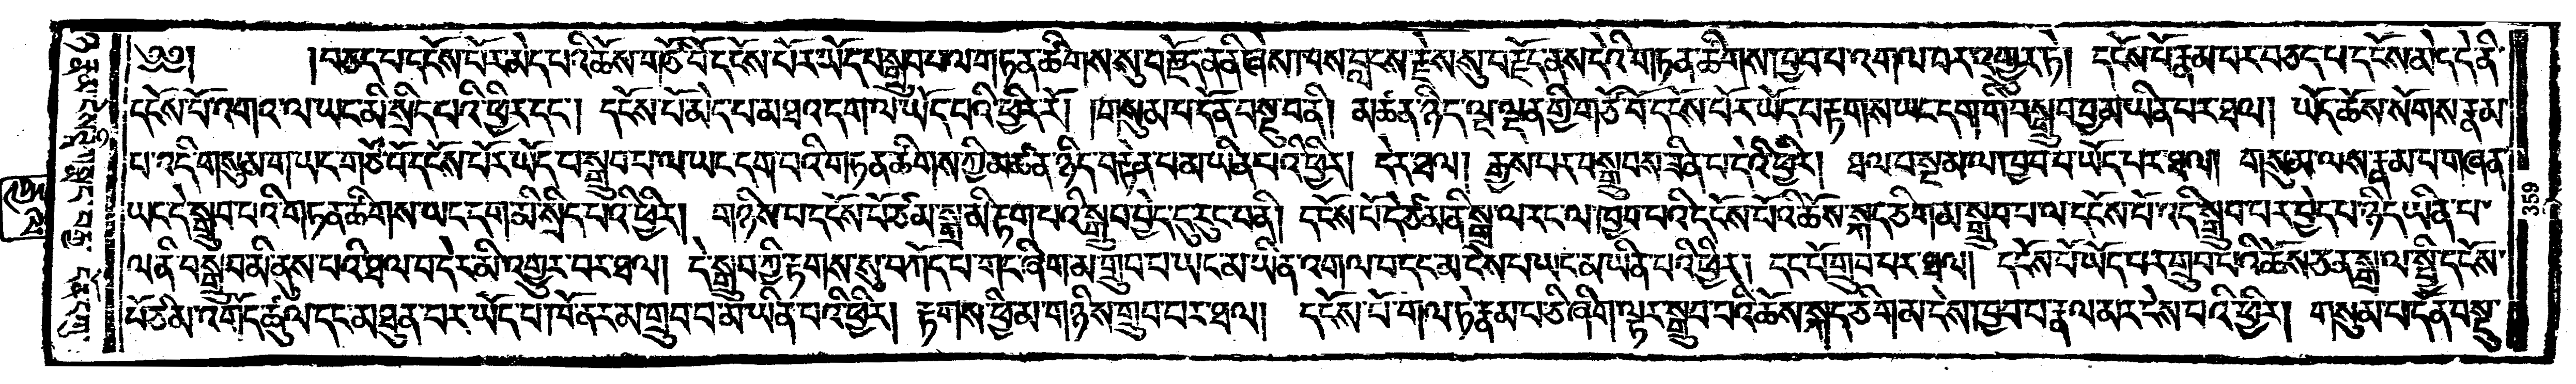༄༅། །བཅད་པ་དངོས་པོར་མེད་པའི་ཆོས་གཙོ་བོ་དངོས་པོར་ཡོད་པ་སྒྲུབ་པ་ལ་གཏན་ཚིགས་སུ་བརྗོད་ན་ནི་ཞེས་ཁས་བླངས་རྗེས་སུ་བརྗོད་ནས་དེའི་གཏན་ཚིགས་ཁྱབ་པ་འགལ་བར་འགྱུར་ཏེ། དངོས་པོ་རྣམ་པར་བཅད་པ་དངོས་མེད་དེ་ནི་
དངོས་པོ་འགའ་ལ་ཡང་མི་སྲིད་པའི་ཕྱིར་དང་། དངོས་པོ་མེད་པ་མཐའ་དག་ལ་ཡོད་པའི་ཕྱིར་རོ། །གསུམ་པ་དོན་བསྡུ་བ་ནི། མཚན་ཉིད་ལྔ་ལྡན་གྱི་གཙོ་བོ་དངོས་པོར་ཡོད་པ་རྟགས་ཡང་དག་གི་བསྒྲུབ་བྱ་མ་ཡིན་པར་ཐལ། ཡོད་ཆོས་སོགས་རྣམ་
པ་འདི་གསུམ་ག་ཡང་གཙོ་བོ་དངོས་པོར་ཡོད་བསྒྲུབ་པ་ལ་ཡང་དག་པའི་གཏན་ཚིགས་ཀྱི་མཚན་ཉིད་བརྟེན་པ་མ་ཡིན་པའི་ཕྱིར། དེར་ཐལ། རྒྱས་པར་བསྒྲུབས་ཟིན་པ་དེའི་ཕྱིར། ཐལ་བ་སྔ་མ་ལ་ཁྱབ་པ་ཡོད་པར་ཐལ། གསུམ་ལས་རྣམ་པ་གཞན་
ཡང་དེ་སྒྲུབ་པའི་གཏན་ཚིགས་ཡང་དག་མི་སྲིད་པའི་ཕྱིར། གཉིས་པ་དངོས་པོ་ཙམ་སྒྲ་མི་རྟག་པའི་སྒྲུབ་བྱེད་དུ་རུང་པ་ནི། དངོས་པོ་དེ་ཙམ་ནི་སྒྲ་ལ་རང་ལ་ཁྱབ་པའི་དངོས་པོའི་ཆོས་སྐད་ཅིག་མ་སྒྲུབ་པ་ལ་དངོས་པོ་འདི་སྒྲུབ་པར་བྱེད་པ་ཉིད་ཡིན་པ་
ལ་ནི་བསྒྲུབ་མི་ནུས་པའི་ཐལ་བ་དེར་མི་འགྱུར་བར་ཐལ། དེ་སྒྲུབ་ཀྱི་རྟགས་སུ་བཀོད་པ་གང་ཞིག་མ་གྲུབ་པ་ཡང་མ་ཡིན་འགལ་བ་དང་མ་ངེས་པ་ཡང་མ་ཡིན་པའི་ཕྱིར། དང་པོ་གྲུབ་པར་ཐལ། དངོས་པོ་ཡོད་པར་གྲུབ་པའི་ཆོས་ཅན་སྒྲ་ལ་སྤྱི་དངོས་
པོ་ཙམ་འགོད་ཚུལ་དང་མཐུན་པར་ཡོད་པ་ཁོ་ནར་མ་གྲུབ་བ་མ་ཡིན་པའི་ཕྱིར། རྟགས་ཕྱི་མ་གཉིས་གྲུབ་པར་ཐལ། དངོས་པོ་གལ་ཏེ་རྣམ་པ་ཅི་ཞིག་ལྟར་སྒྲུབ་པའི་ཆོས་སྐད་ཅིག་མ་ངེས་ཁྱབ་པ་རྣལ་མར་ངེས་པའི་ཕྱིར། གསུམ་པ་དོན་བསྡུ་